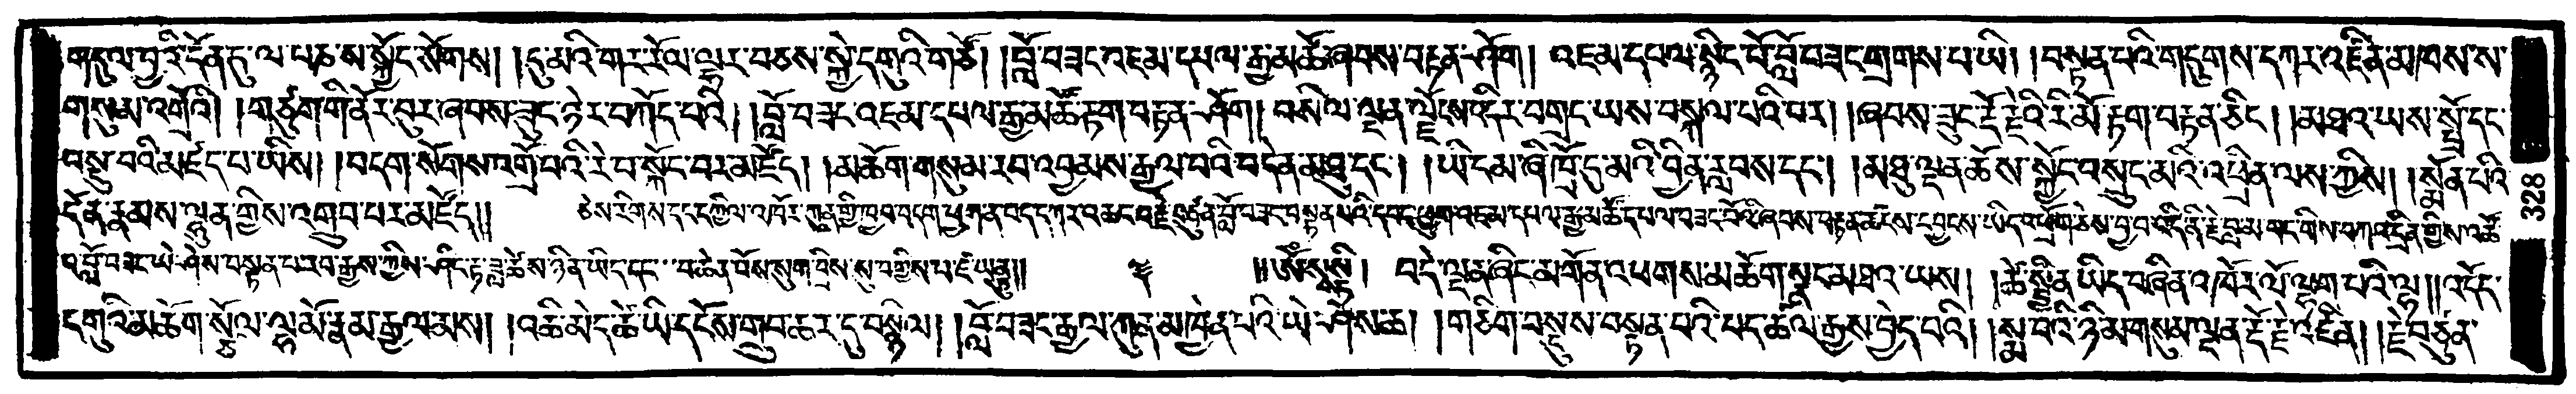གདུལ་བྱའི་དོན་དུ་ལ་པཎ་ས་སྐྱོང་སོགས། །དུ་མའི་གར་རོལ་ལྷར་བཅས་སྐྱེ་དགུའི་གཙོ། །བློ་བཟང་འཇམ་དཔལ་རྒྱ་མཚོ་ཞབས་བརྟན་ཤོག །འཇམ་དཔལ་སྙིང་པོ་བློ་བཟང་གྲགས་པ་ཡི། །བསྟན་པའི་གདུགས་དཀར་འཛིན་མཁས་ས་
གསུམ་འགྲོའི། །གཙུག་གི་ནོར་བུར་ཞབས་ཟུང་ཉེར་བཀོད་པའི། །བློ་བཟང་འཇམ་དཔལ་རྒྱ་མཚོ་རྟག་བརྟན་ཤོག །བསིལ་ལྡན་ལྗོངས་འདིར་བགྲང་ཡས་བསྐལ་པའི་བར། །ཞབས་ཟུང་རྡོ་རྗེའི་རི་མོ་རྟག་བརྟན་ཅིང་། །མཐའ་ཡས་སྤྲོ་དང་
བསྡུ་བའི་མཛད་པ་ཡིས། །བདག་སོགས་འགྲོ་བའི་རེ་བ་སྐོང་བར་མཛོད། །མཆོག་གསུམ་རབ་འབྱམས་རྒྱལ་བའི་བདེན་མཐུ་དང་། །ཡི་དམ་ཞི་ཁྲོ་དུ་མའི་བྱིན་རླབས་དང་། །མཐུ་ལྡན་ཆོས་སྐྱོང་བསྲུང་མའི་འཕྲིན་ལས་ཀྱིས། །སྨོན་པའི་
དོན་རྣམས་ལྷུན་གྱིས་འགྲུབ་པར་མཛོད། །ཅེས་རིགས་དང་དཀྱིལ་འཁོར་ཀུན་གྱི་ཁྱབ་བདག་ཕྱག་ན་པད་དཀར་འཆང་བརྗེ་བཙུན་བློ་བཟང་བསྟན་པའི་དབང་ཕྱུག་འཇམ་དཔལ་རྒྱ་མཚོ་དཔལ་བཟང་པོའི་ཞབས་བརྟན་ཚངས་དབྱངས་ཡིད་འཕྲོག་ཅེས་བྱ་བ་འདི་ནི་རྗེ་བླ་མ་གང་གིས་བཀའ་དྲིན་གྱིས་འཚོ་
བ་བློ་བཟང་ཡེ་ཤེས་བསྟན་པ་རབ་རྒྱས་ཤིང་རྟ་ཟླ་ཚེས་ཉིན་ཡིད་དང་བ་ཆེན་པོས་སུག་བྲིས་སུ་བགྱིས་པ་ཛ་ཡནྟུ།། ༈ །།ཨོཾ་སྭ་སྟི། བདེ་ལྡན་ཞིང་མགོན་འཕགས་མཆོག་སྣང་མཐའ་ཡས། །ཚེ་སྦྱིན་ཡིད་བཞིན་འཁོར་ལོ་ལྷག་པའི་ལྷ། །འདོད་
དགུའི་མཆོག་སྩོལ་ལྷ་མོ་རྣམ་རྒྱལ་མས། །འཆི་མེད་ཚེ་ཡི་དངོས་གྲུབ་ཆར་དུ་བསྙིལ། །བློ་བཟང་རྒྱལ་ཀུན་མཁྱེན་པའི་ཡེ་ཤེས་ཆ། །གཅིག་བསྡུས་བསྟན་པའི་པད་ཚལ་རྒྱས་བྱེད་པའི། །སྨ་བའི་ཉི་མ་གསུམ་ལྡན་རྡོ་རྗེ་འཛིན། །རྗེ་བཙུན་